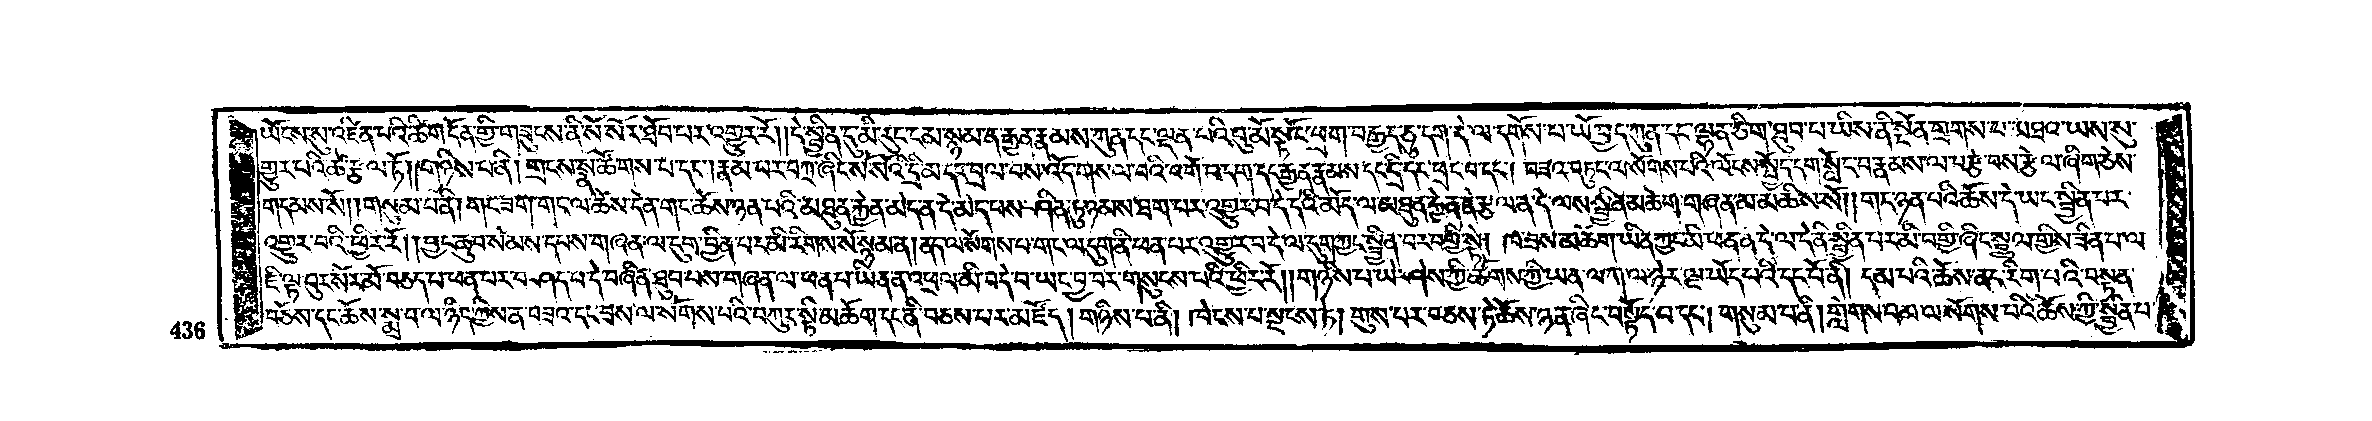ཡོངས་སུ་འཛིན་པའི་ཚིག་དོན་གྱི་གཟུངས་ནི་སོ་སོར་ཐོབ་པར་འགྱུར་རོ། །དེ་སྦྱིན་དུ་མི་རུང་ངམ་སྙམ་ན་རྒྱན་རྣམས་ཀུན་དང་ལྡན་པའི་བུ་མོ་སྟོང་ཕྲག་བརྒྱད་ཅུ་དག་དེ་ལ་དགོས་པ་ཡོ་བྱད་ཀུན་དང་ལྷན་ཅིག་ཐུབ་པ་ཡིས་ནི་སྔོན་གྲགས་པ་མཐའ་ཡས་སུ་
གྱུར་པའི་ཚེ་རྩལ་ཏོ། །གཉིས་པ་ནི། གྲངས་སྣ་ཚོགས་པ་དང་། རྣམ་པར་བཀྲ་ཞིང་སོ་སོའི་དྲི་མ་དང་བྲལ་བས་འོད་གསལ་བའི་འགོ་བ་དག་དང་རྒྱན་རྣམས་དང་དྲི་དང་ཕྲང་བ་དང་། བཟའ་བཏུང་ལ་སོགས་པའི་ལོངས་སྤྱོད་དག་སློང་བ་རྣམས་ལ་བརྩེ་བས་རྩེལ་ཞིག་ཅེས་
གདམས་སོ། །གསུམ་པ་ནི། གང་ཟག་གང་ལ་ཚེས་དོན་གང་ཆོས་ཉན་པའི་མཐུན་རྐྱེན་མེད་ན་དེ་མེད་པས་ཤིན་ཏུ་ཉམས་ཐག་པར་འགྱུར་བ་དེ་དེའི་མོད་ལ་མཐུན་རྐྱེན་ནི་རྩལ་ན་དེ་ལས་སྦྱིན་མཆོག་གཞན་མ་མཆིས་སོ། །གང་ཉན་པའི་ཆོས་དེ་ཡང་སྦྱིན་པར་
འགྱུར་བའི་ཕྱིར་རོ། །བྱང་ཆུབ་སེམས་དཔས་གཞན་ལ་དུག་བྱིན་པར་མི་རིགས་སོ་སྙམ་ན། ནད་ལ་སོགས་པ་གང་ལ་དུག་ནི་ཕན་པར་འགྱུར་བ་དེ་ལ་དུག་ཀྱང་སྦྱིན་པར་བགྱི་སྟེ། ཁ་ཟས་མཆོག་ཡིན་ཀྱང་མི་ཕན་ན་དེ་ལ་དེ་ནི་སྦྱིན་པར་མི་བགྱི་ཞིང་སྦྲུལ?་གྱིས་ཟིན་པ་ལ་
ཇི་ལྟ་བུར་སོར་མོ་བཅད་པ་ཕན་པར་བཤད་པ་དེ་བཞིན་ཐུབ་པས་གཞན་ལ་ཕན་པ་ཡིན་ན་འཕྲལ་མི་བདེ་བ་ཡང་བྱ་བར་གསུངས་པའི་ཕྱིར་རོ། །གཉིས་པ་ཡེ་ཤེས་ཀྱི་ཚོགས་ཀྱི་ཡན་ལག་ལ་ཉེར་ལྔ་ཡོད་པའི་དང་པོ་ནི། དམ་པའི་ཆོས་ནང་རིག་པའི་བསྟན་
བཅོས་དང་ཆོས་སྨྲ་བ་ལ་ཉིད་ཀྱིས་ན་བཟའ་དང་ཟས་ལ་སོགས་པའི་བཀུར་སྟི་མཆོག་དང་ནི་བཅས་པར་མཛོད། གཉིས་པ་ནི། ཁེངས་པ་སྡངས?་ཏེ། གུས་པར་བཅས་ཏེ་ཆོས་ཉན་ཞིང་བསྟོད་པ་དང་། གསུམ་པ་ནི། གླེགས་བམ་ལ་སོགས་པའི་ཆོས་ཀྱི་སྦྱིན་པ་